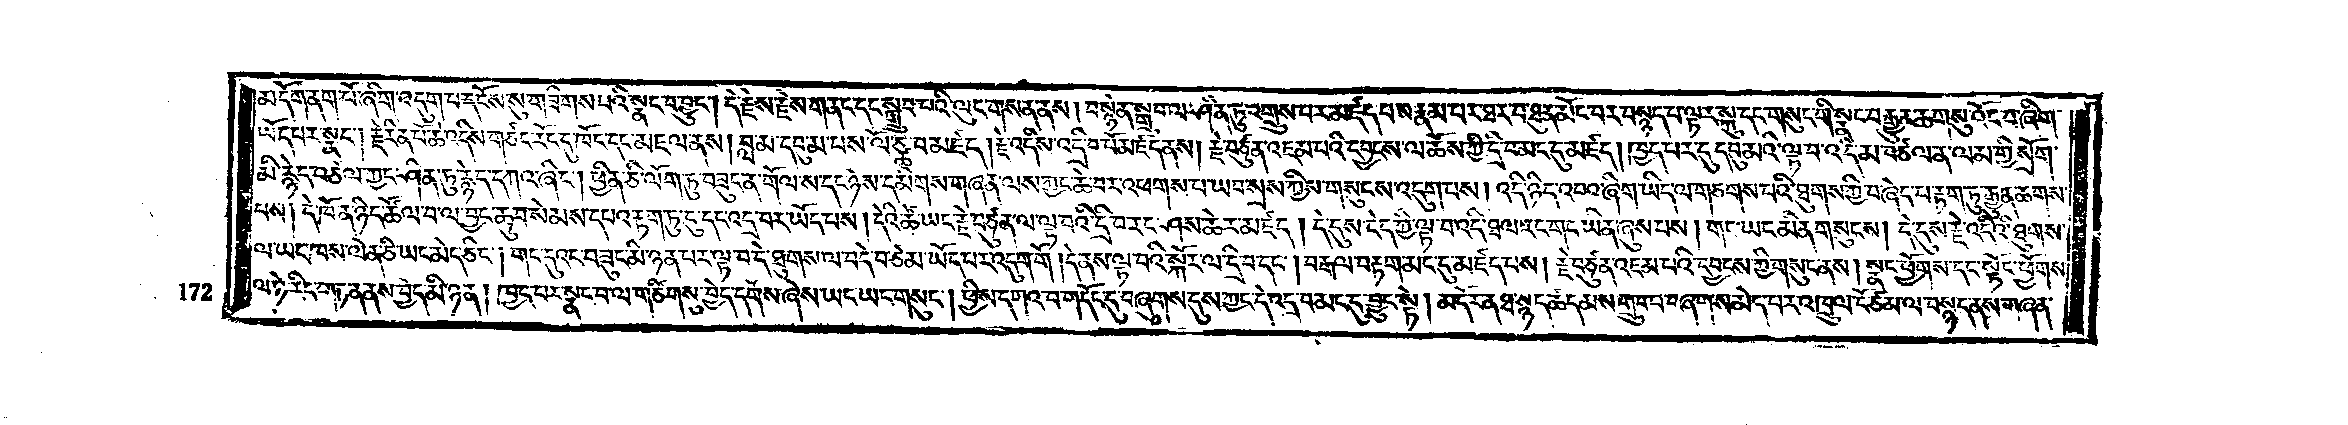མདོག་ནག་པོ་ཞིག་འདུག་པ་དངོས་སུ་གཟིགས་པའི་སྣང་བ་བྱུང་། དེ་རྗེས་རྗེས་གནང་དང་སྒྲུབ་པའི་ལུང་གསན་ནས། བསྙེན་སྒྲུབ་ལ་ཤིན་ཏུ་འགྲུས་པར་མཛད་པས་རྣམ་པར་ཐར་པ་ཐུན་མོང་བར་བསྙད་པ་ལྟར་སྐུ་དང་གསུང་གི་སྣང་བ་རྒྱུན་ཆགས་སུ་འོང་བ་ཞིག་
ཡོད་པར་སྣང་། རྗེ་རིན་པོ་ཆེ་འདིས་གཙང་རོང་དུ་ཁོང་དང་མཇལ་ནས། བླ་མ་དབུ་མ་པས་ལོཙྪ་བ་མཛད། རྗེ་འདིས་འདྲི་བ་པོ་མཛད་ནས། རྗེ་བཙུན་འཇམ་པའི་དབྱངས་ལ་ཆོས་ཀྱི་དྲི་བ་མང་དུ་མཛད། ཁྱད་པར་དུ་དབུ་མའི་ལྟ་བ་འདི་མ་བཙལ་ན་ལམ་གྱི་སྲོག་
མི་རྙེད་བཙལ་ཀྱང་ཤིན་ཏུ་རྙེད་དཀའ་ཞིང་། ཕྱིན་ཅི་ལོག་ཏུ་བཟུང་ན་གོལ་ས་དང་ཉེས་དམིགས་གཞན་ལས་ཀྱང་ཆེ་བར་འཕགས་པ་ཡབ་སྲས་ཀྱིས་གསུངས་འདུག་པས། འདི་ཉིད་འབའ་ཞིག་ཡིད་ལ་གཅགས་པའི་ཐུགས་ཀྱི་བཞེད་པ་རྟག་ཏུ་རྒྱུན་ཆགས་
པས། དེ་ཁོ་ན་ཉིད་ཚོལ་བ་ལ་བྱང་ཆུབ་སེམས་དཔའ་རྟག་ཏུ་ངུ་དང་འདྲ་བར་ཡོད་པས། དེའི་ཚེ་ཡང་རྗེ་བཙུན་ལ་ལྟ་བའི་དང་དྲི་བ་རང་ཤས་ཆེར་མཛད། དེ་དུས་ངེད་ཀྱི་ལྟ་བ་འདི་ཐལ་རང་གང་ཡིན་ཞུས་པས། གང་ཡང་མིན་གསུངས། དེ་དུས་རྗེ་འདིའི་ཐུགས་
ལ་ཡང་ཁས་ལེན་ཅི་ཡང་མེད་ཅིང་། གང་དུའང་བཟུང་མི་ཉན་པར་ལྟ་བ་དེ་ཐུགས་ལ་བདེ་བ་ཙམ་ཡོད་པར་འདུག་གོ །དེ་ནས་ལྟ་བའི་སྐོར་ལ་དྲི་བ་དང་། བརྒལ་བརྟག་མང་དུ་མཛད་པས། རྗེ་བཙུན་འཇམ་པའི་དབྱངས་ཀྱི་གསུང་ནས། སྣང་ཕྱོགས་དང་སྟོང་ཕྱོགས་
ལ་ཉེ་རིང་གཏན་ནས་བྱེད་མི་ཉན། ཁྱད་པར་སྣང་བ་ལ་གཙིགས་སུ་བྱེད་དགོས་ཞེས་ཡང་ཡང་གསུང་། ཕྱིས་དགའ་བ་གདོང་དུ་བཞུགས་དུས་ཀྱང་དེ་འདྲ་བ་མང་དུ་བྱུང་སྟེ། མདོར་ན་ཐ་སྙད་ཚད་མས་གྲུབ་པ་བཞག་ས་མེད་པར་འཁྲུལ་ངོ་ཙམ་ལ་བསྙད་ནས་གཞན་